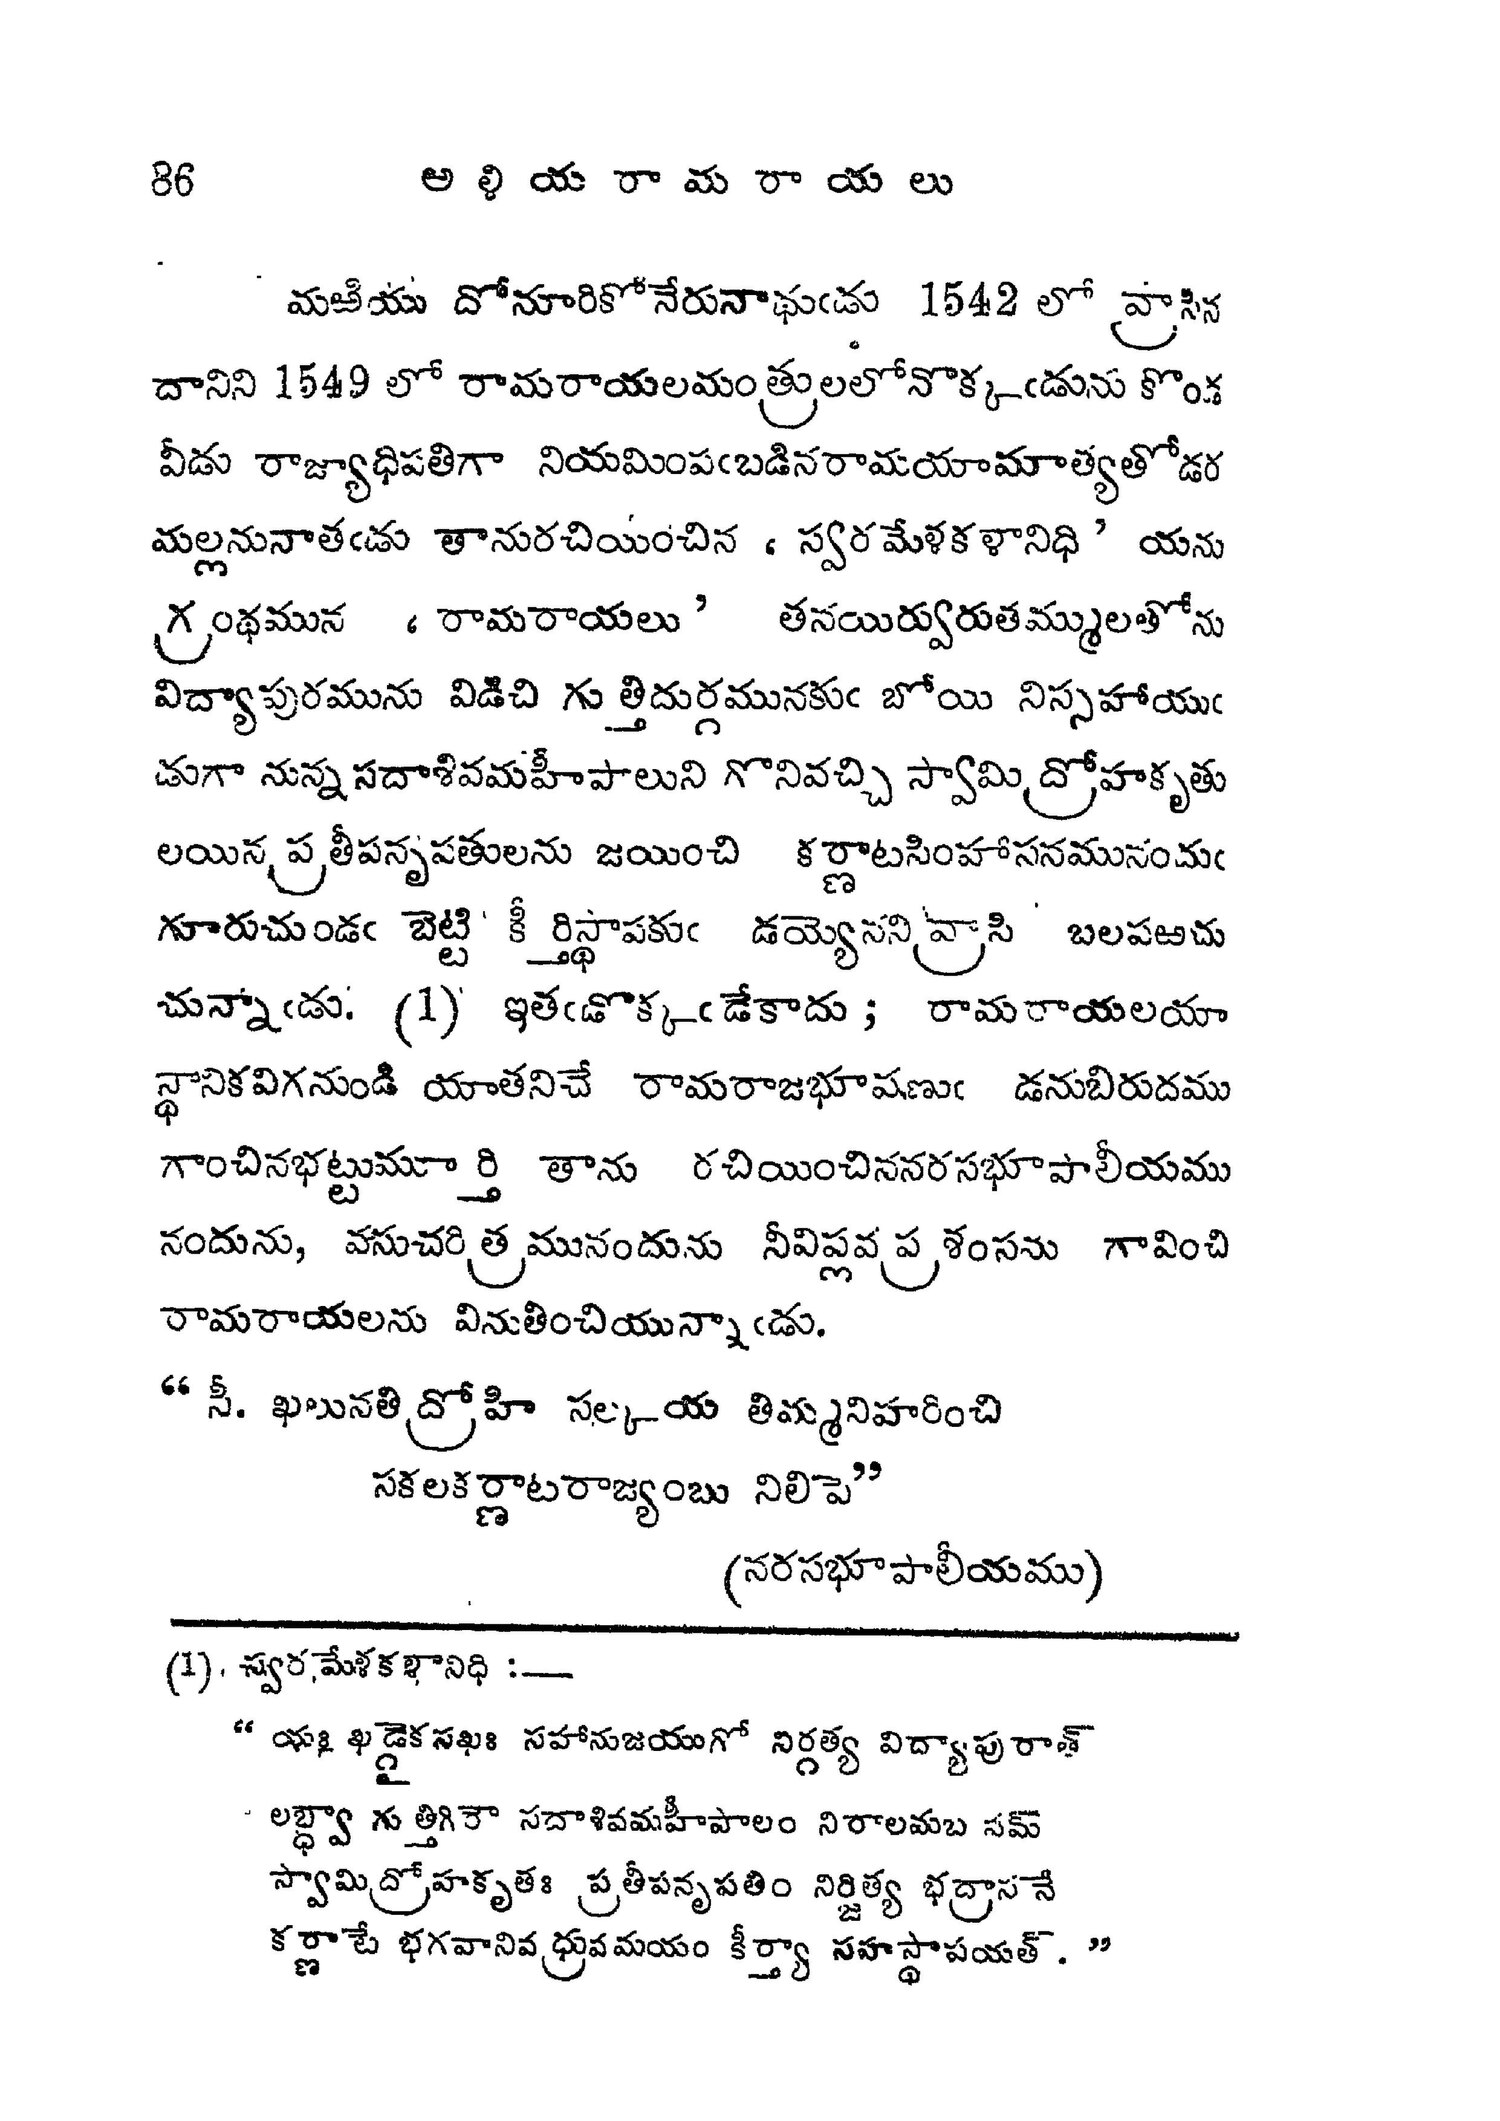మఱియు దోనూరికోనేరునాథుడు 1542 లో వ్రాసిన దానిని 1549 లో రామరాయల మంత్రులలో నొక్కడును కొండవీడు రాజ్యాధిపతిగా నియమింపబడిన రామయామాత్యతోడర మల్లనునాతడు తానురచియించిన 'సర్వమేళకళానిధి' యను గ్రంథమున 'రామరాయలు' తనయిర్వురుతమ్ములతోను విద్యాపురమును విడిచి గుత్తిదుర్గమునకు బోయి నిస్సహాయుడుగా నున్నసదాశివమహీపాలుని గొనివచ్చి స్వామిద్రోహకృతులయినప్రతీపనృపతులను జయించి కర్ణాటసింహాసనమునందు గూరుచుండ బెట్టి కీర్తిస్థాపకు డయ్యెననివ్రాసి బలపఱచు చున్నాడు. ఇతడొక్కడేకాదు; రామరాయలయాస్థానికవిగనుండి యాతనిచే రామరాజభూషణు డనుబిరుదము గాంచినభట్టుమూర్తి తాను రచియించిన నరసభూపాలీయము నందును, వసుచరిత్రమునందును నీవిప్లవప్రశంసను గావించి రామరాయలను వినుతించియున్నాడు.

 "సీ. ఖలునతిద్రోహి సల్కయ తిమ్మనిహరించి
 సకలకర్ణాటరాజ్యంబు నిలిపె"
 (నరసభూపాలీయము)